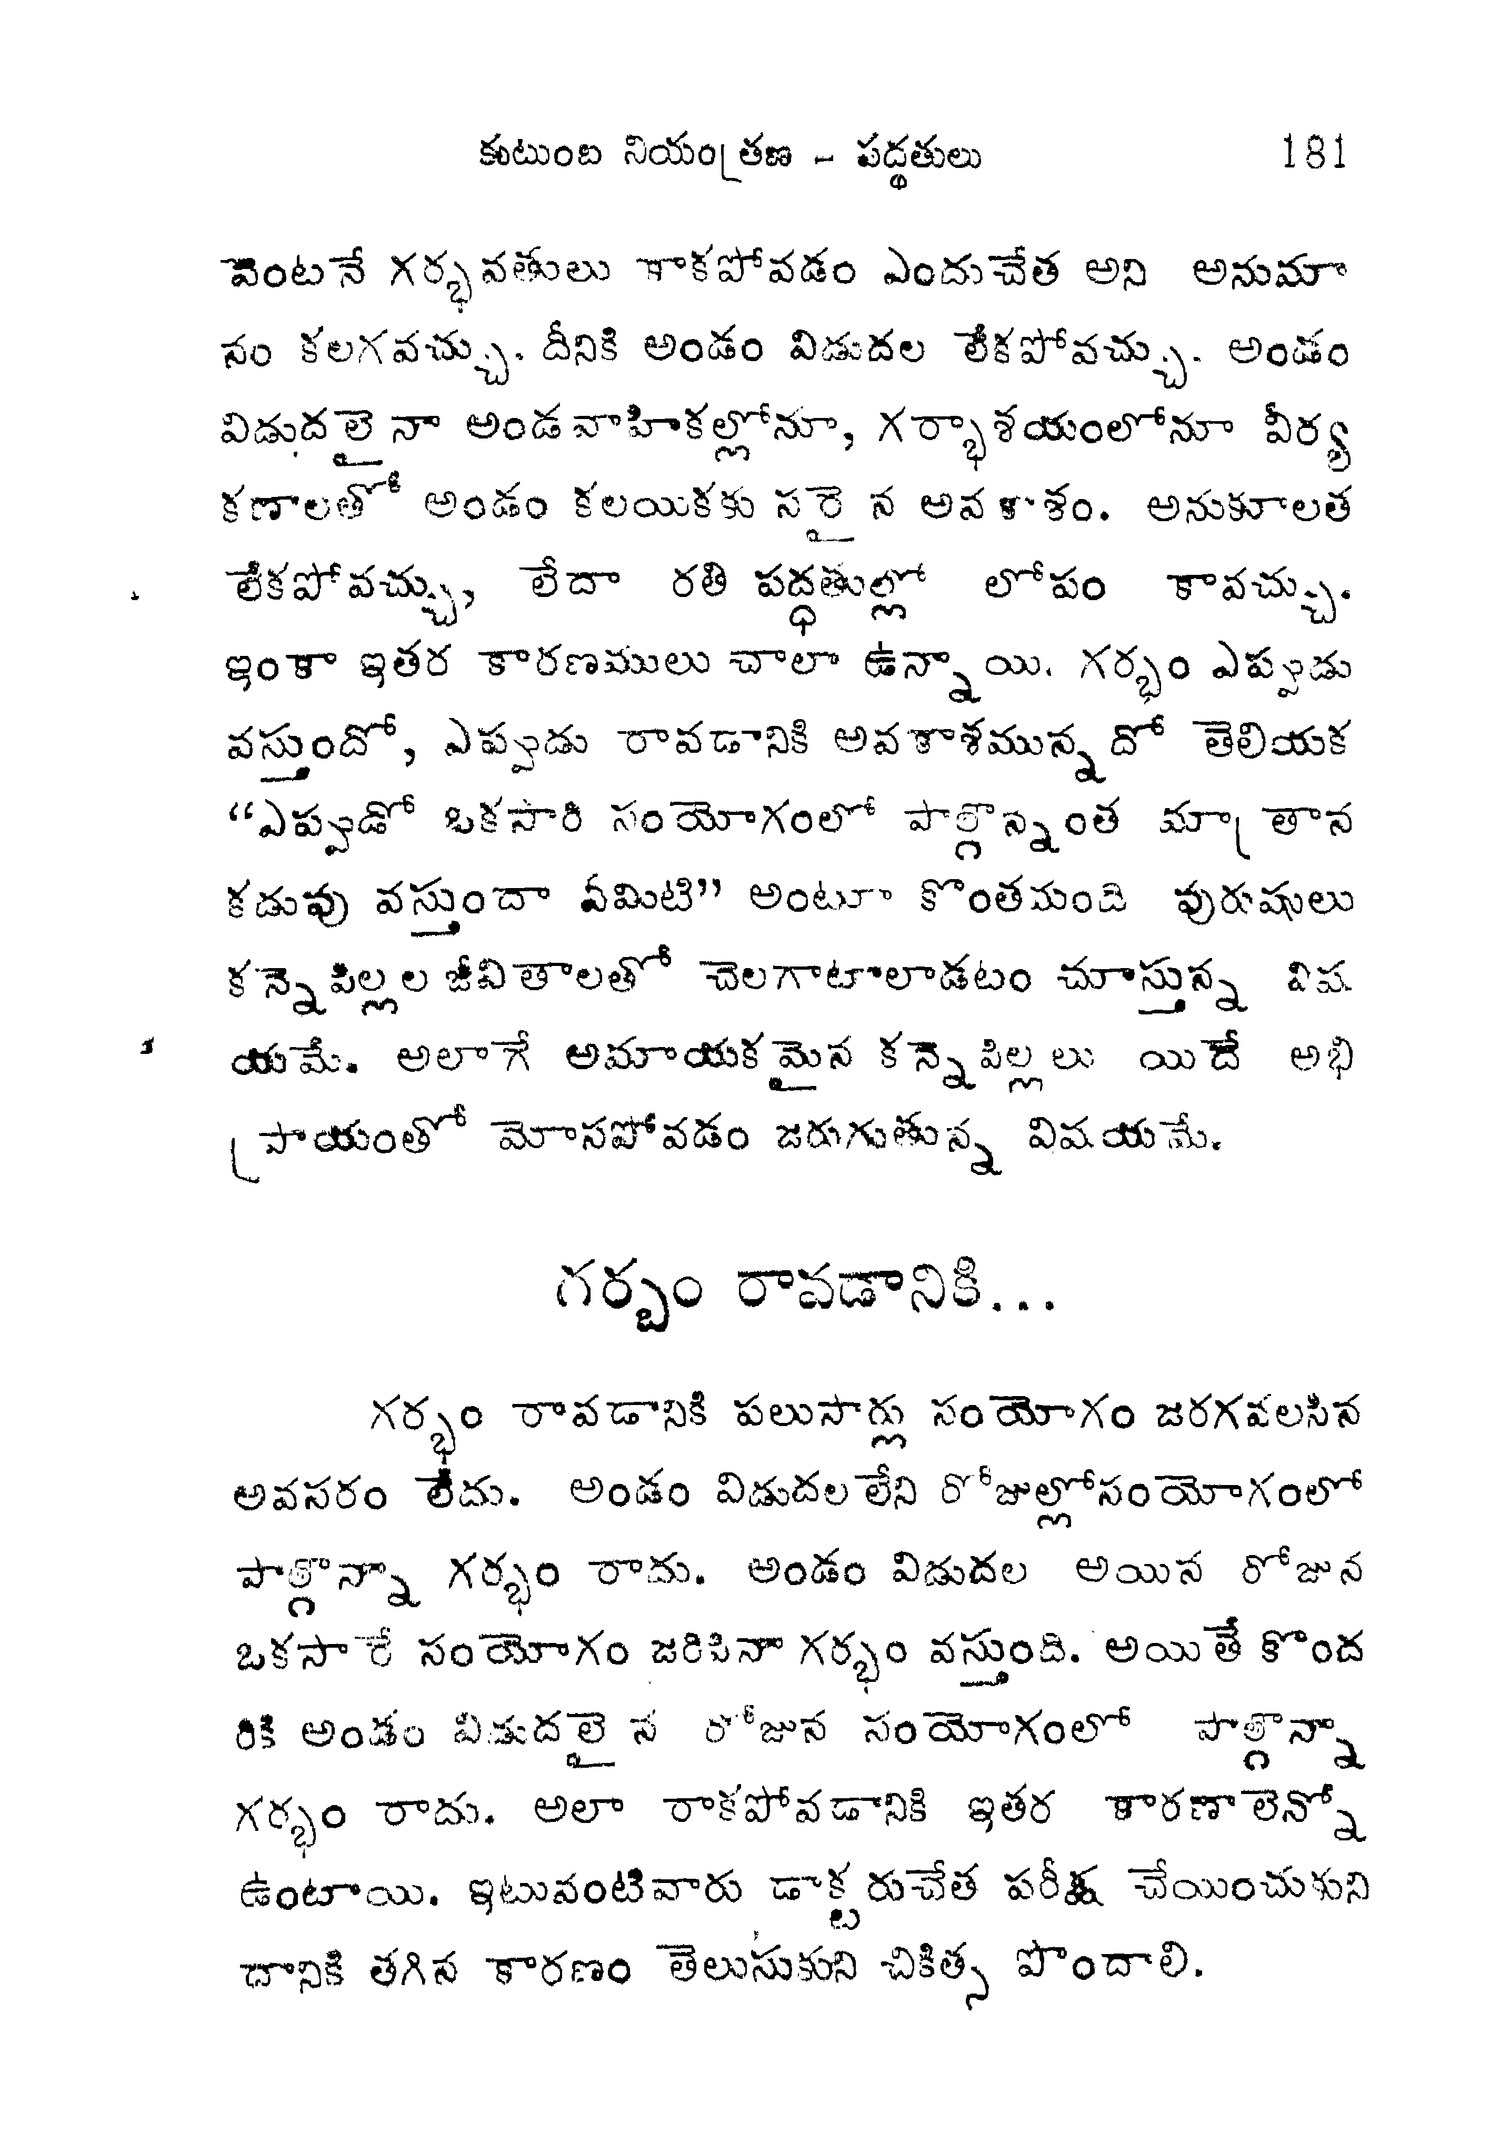వెంటనే గర్భవతులు కాకపోవడం ఎందుచేత అని అనుమానం కలగవచ్చు. దీనికి అండం విడుదల లేకపోవచ్చు అండం విడుదలైనా అండవాహికల్లోనూ, గర్భాశయంలోనూ వీర్యకణాలతో అండం కలయికకు సరైన అవకాశం, అనుకూలత లేకపోవచ్చు, లేదా రతి పద్ధతుల్లో లోపం కావచ్చు. ఇంకా ఇతర కారణములు చాలా ఉన్నాయి. గర్భం ఎప్పుడు వస్తుందో, ఎప్పుడు రావడానికి అవకాశమున్నదో తెలియక "ఎప్పుడో ఒకసారి సంయోగంలో పాల్గొన్నంత మాత్రాన కడుపు వస్తుందా ఏమిటి" అంటూ కొంతమంది పురుషులు కన్నెపిల్లల జీవితాలతో చెలగాటాలాడడం చూస్తున్న విషయమే. అలాగే అమాయకమైన కన్నెపిల్లలు యిదే అభిప్రాయంతో మోసపోవడం జరుగుతున్న విషయమే.

గర్భం రావడానికి పలుమార్లు సంయోగం జరగవలసిన అవసరం లేదు. అండం విడుదల లేని రోజుల్లో సంయోగంలో పాల్గొన్నా గర్భం రాదు. అండం విడుదల అయిన రోజున ఒకసారి సంయోగం జరిపినా గర్భం వస్తుంది. అయితే కొందరికి అండం విడుదలైన రోజున సంయోగంలో పాల్గొన్నా గర్భం రాదు. అలా రాకపోవడానికి ఇతర కారణాలెన్నో ఉంటాయి. ఇటువంటివారు డాక్టరుచేత పరీక్ష చేయించుకుని దానికి తగిన కారణం తెలుసుకుని చికిత్స పొందాలి.